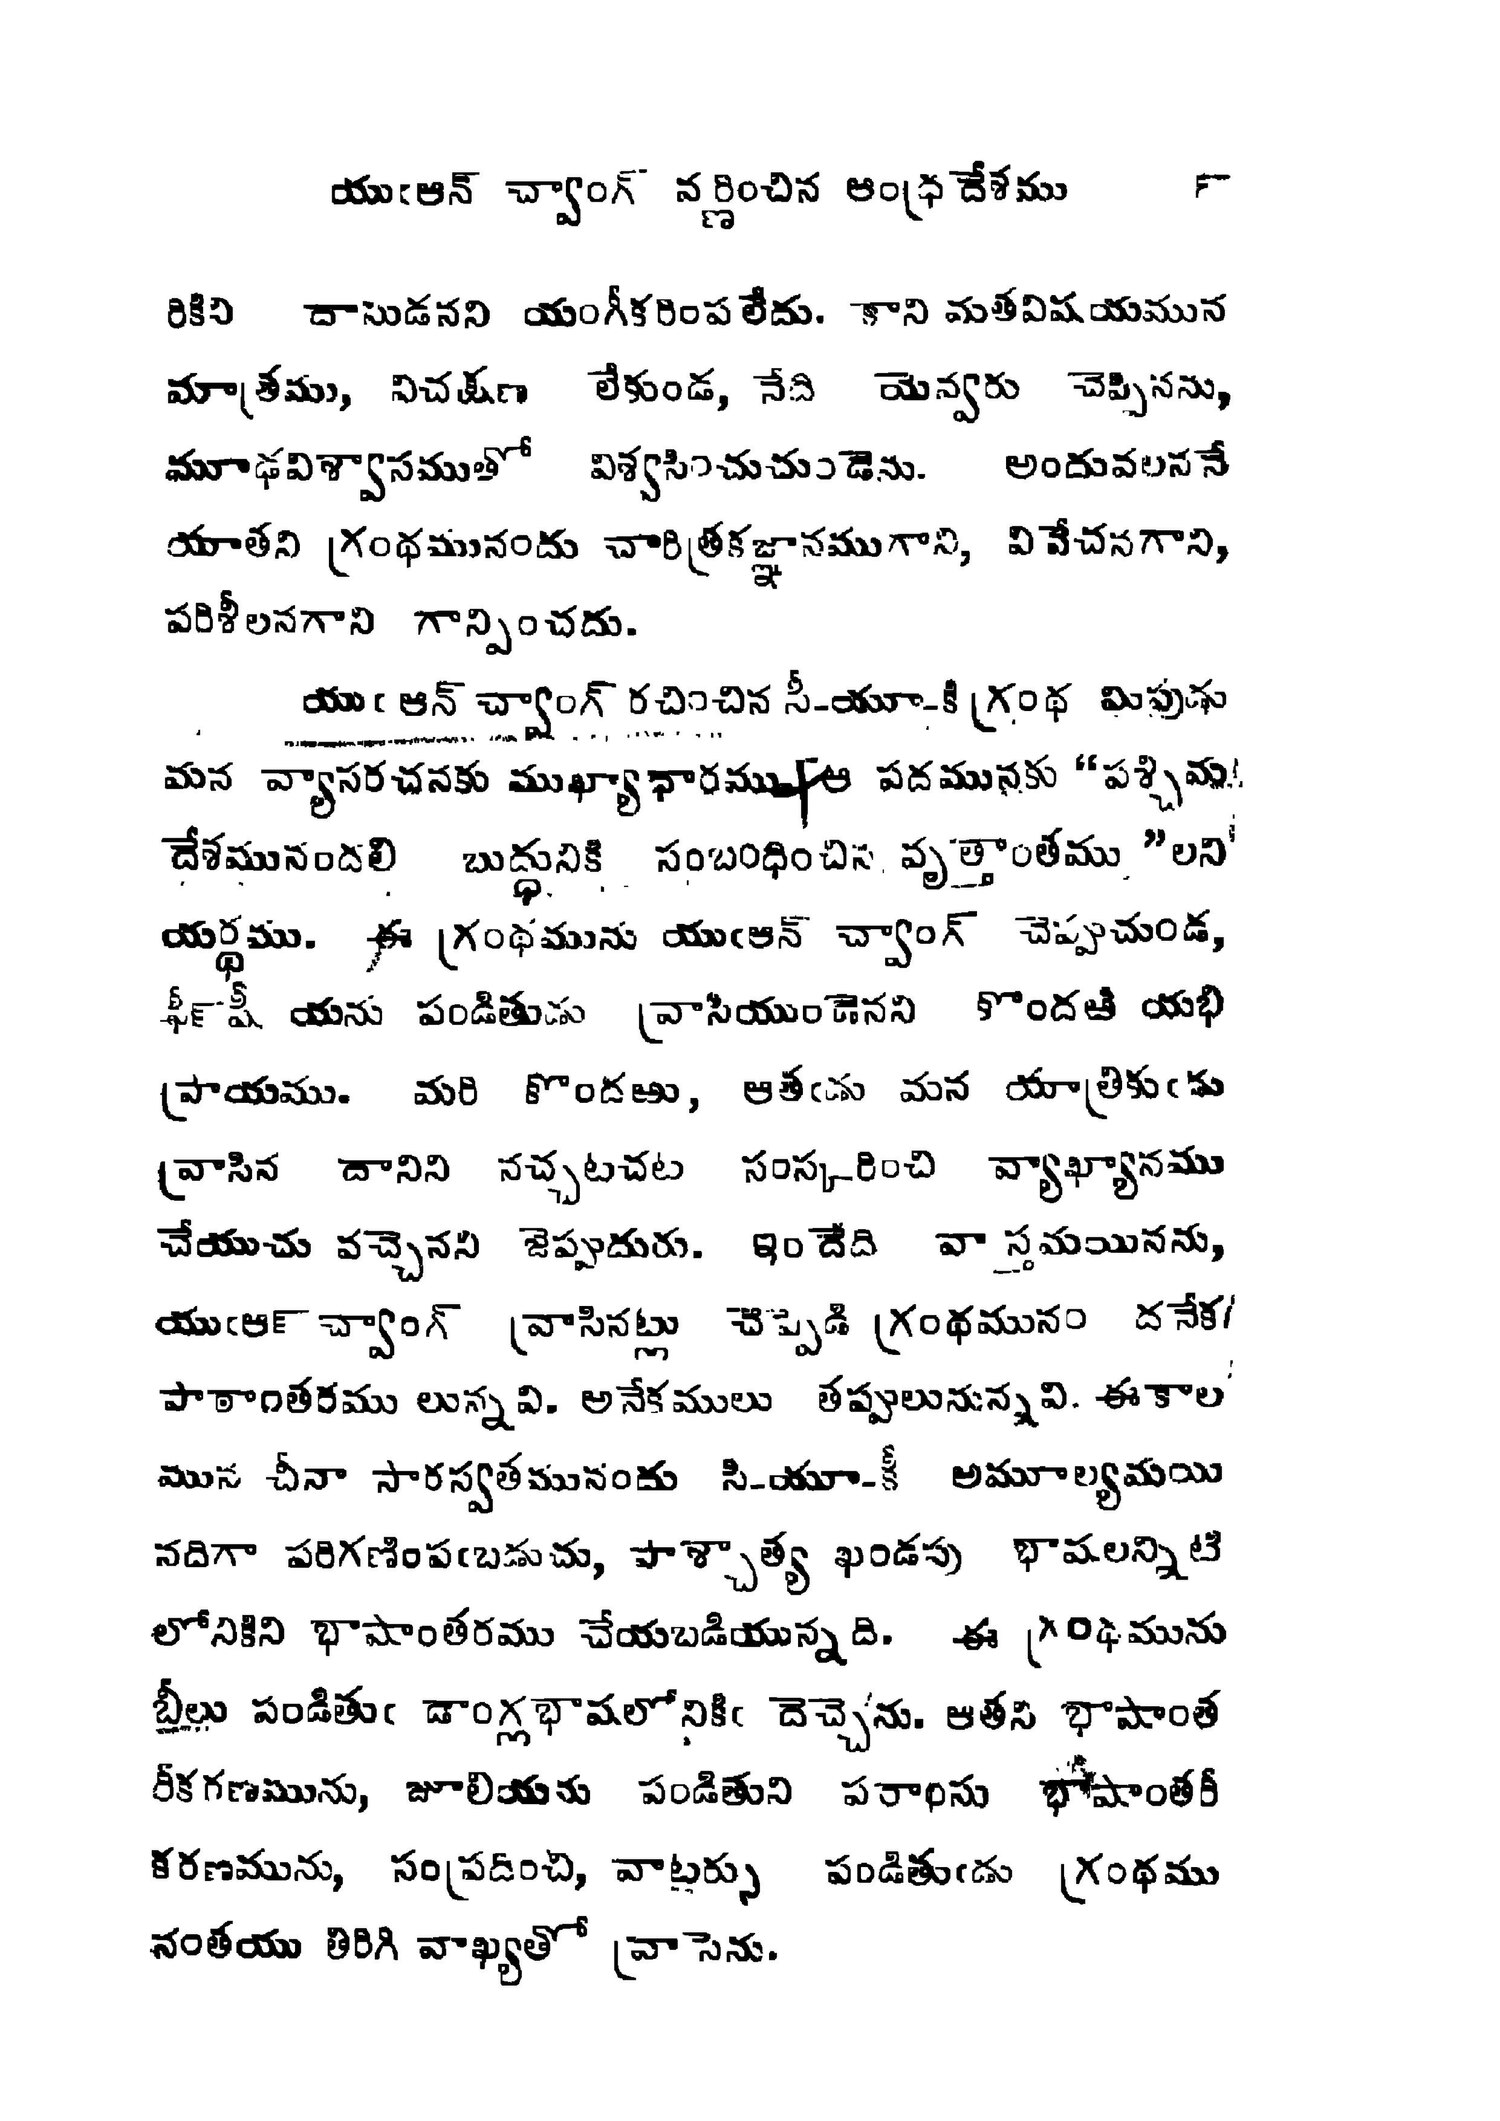రికిని దాసుడనని యంగీకరింపలేదు. కాని మత విషయమున మాత్రము, విచక్షణ లేకుండ, నేది యెవ్వరు చెప్పినను, మూఢవిశ్వాసముతో విశ్వసించుచుండెను. అందువలననే యాతని గ్రంథమునందు చారిత్రక జ్ఙానము గాని, వివేచనగాని, పరిశీలనగాని గాన్పించదు.

యుఁఆన్‌ చ్వాంగ్‌ రచించిన సీ-యూ-కీ గ్రంథమిపుడు మనవ్యాసరచనకు ముఖ్యాధారము. ఆపదమునకు "పశ్చిమ దేశమునందలి బుద్ధునికి సంబంధిన వృత్తాంతము" లని యర్థము. ఈ గ్రంథమును యుఁఆన్‌ చ్వాంగ్‌ చెప్పుచుండ, ఫీ౯షీ యను పండితుడు వ్రాసియుండెనని కొందఱి యభిప్రాయము. మరి కొందఱు, అతడు మన యాత్రికుడు వ్రాసిన దానిని నచ్చటచట సంస్కరించి వ్యాఖ్యానము చేయుచు వచ్చెనని చెప్పుదురు. ఇందేది వాస్తమయినను, యుఁఆ౯ చ్వాంగ్‌ వ్రాసినట్లు చెప్పెడి గ్రంధమునందనేక పాఠాంతరములున్నవి. అనేకములు తప్పులున్నవి. ఈకాలమున చీనా సారస్వతమునందు సి-యూ-కీ అమూల్యమైనదిగా పరిగణింప బడుచు, పాశ్చాత్య ఖండపు భాషలన్నిటిలోనికి భాషాంతరము చేయబడియున్నది. ఈగ్రంథమును బీలు పండితుఁ డాంగ్ల భాష లోనికిఁదెచ్చెను. అతని భాషాంతరీకరణమును, జూలియను పరాంసు భాషాంతరీకరణమును, సంప్రదించి, వాటర్సు పండితుడు గ్రంథము నంతయు తిరిగి వాఖ్యతో వ్రాసెను.